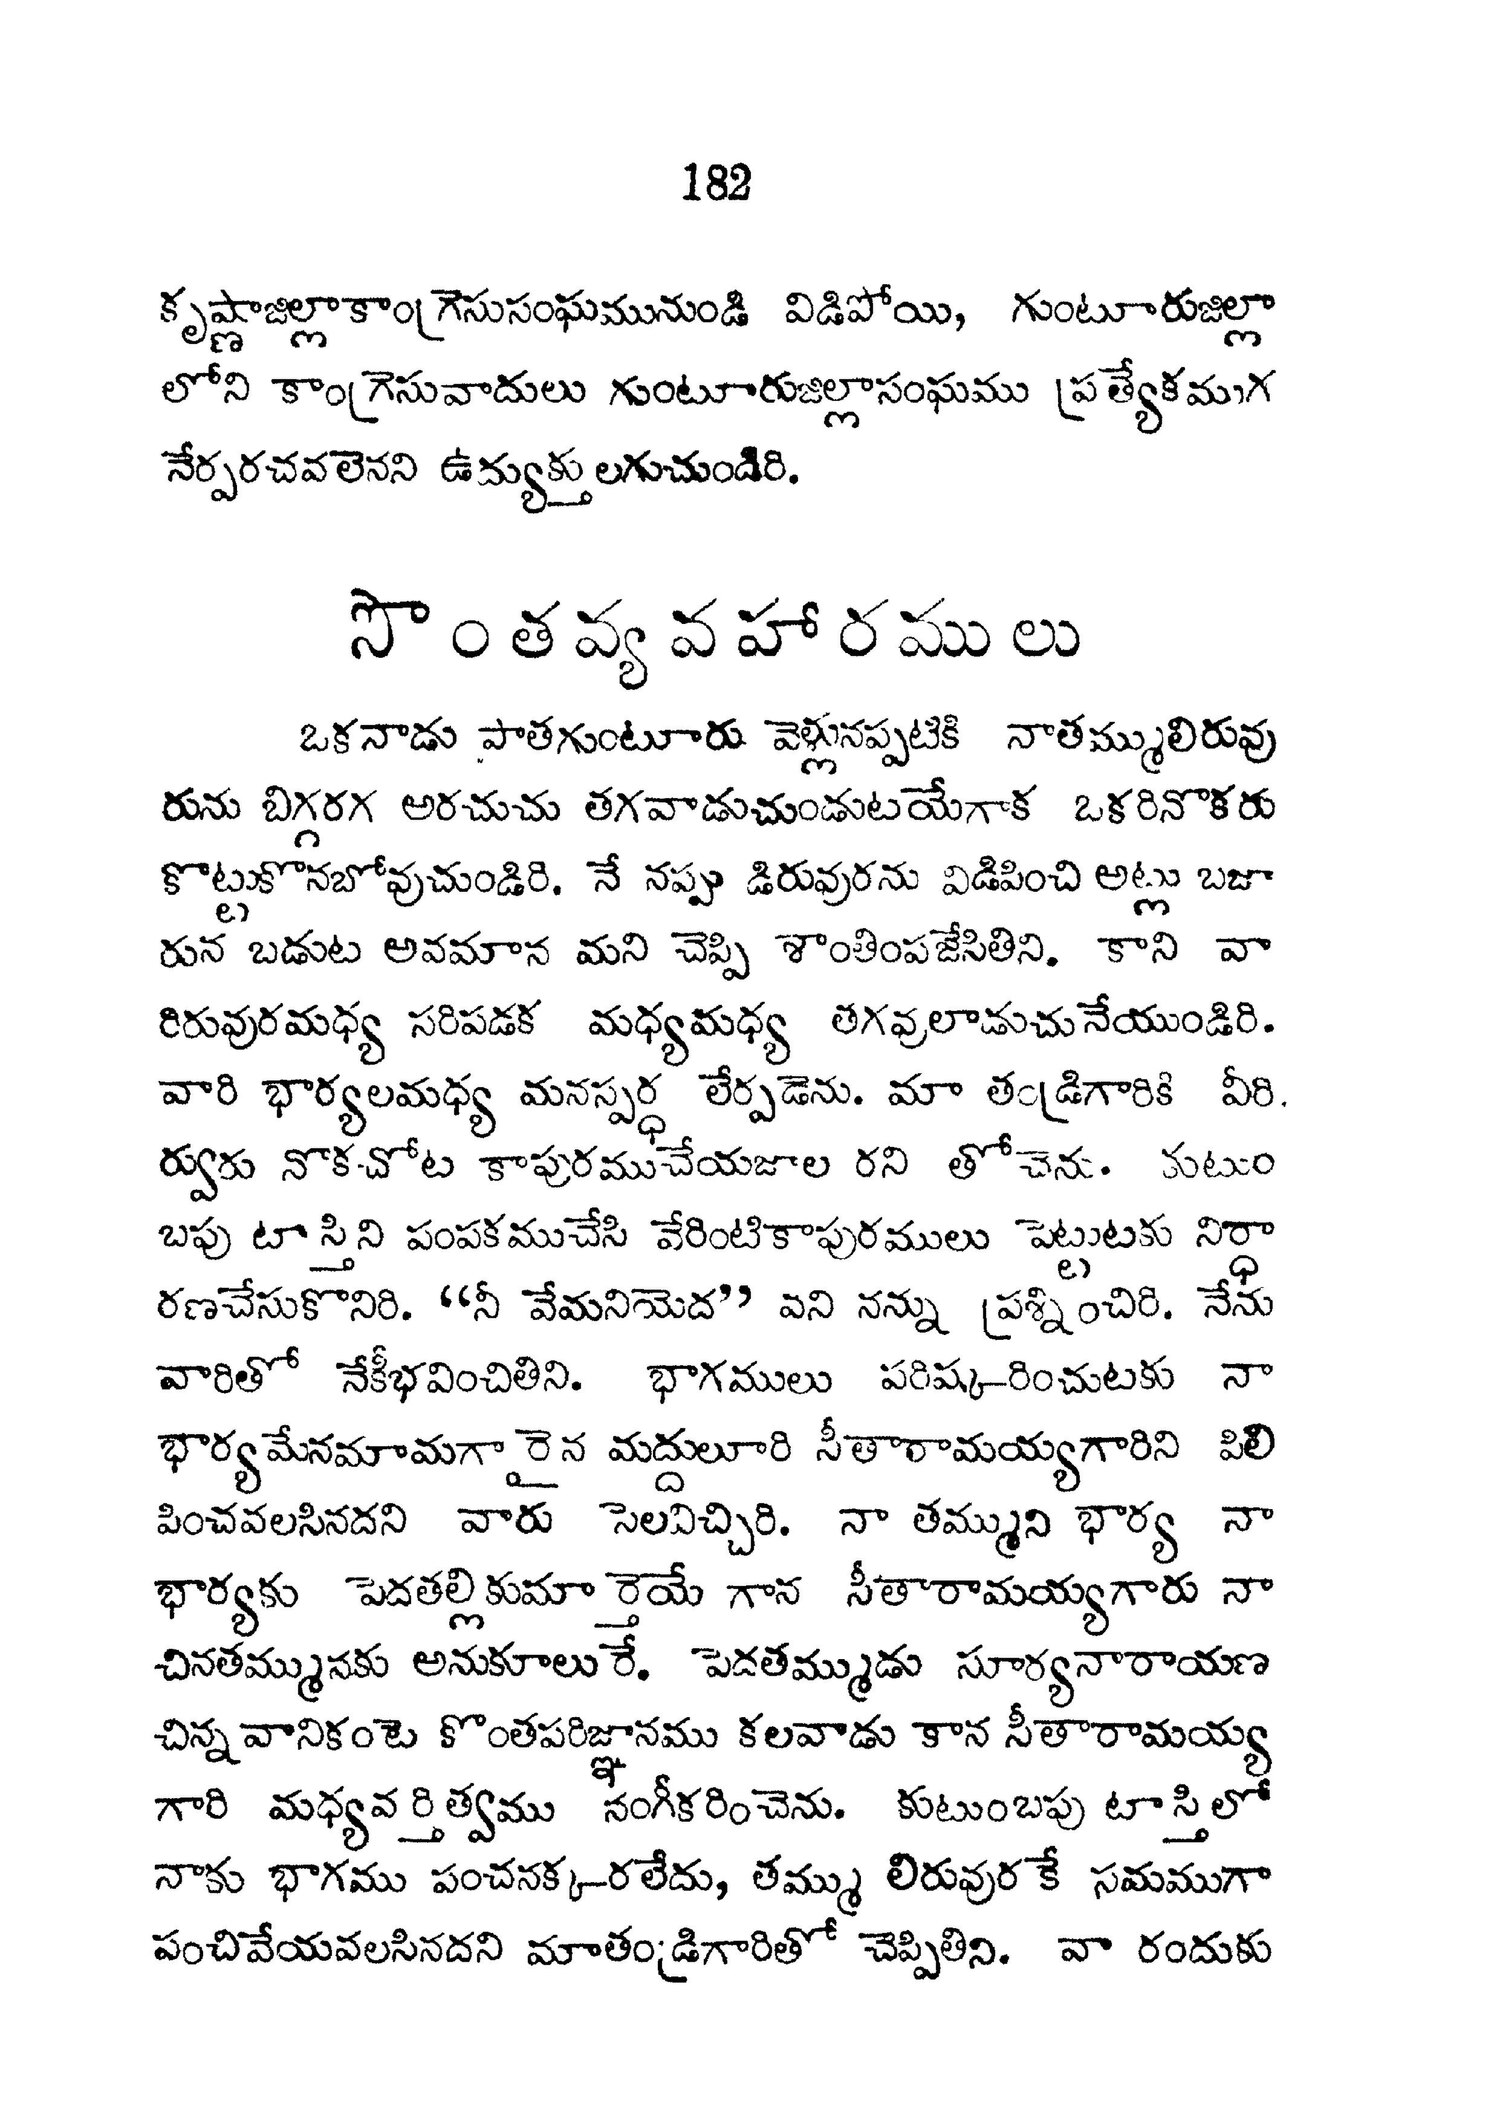కృష్ణాజిల్లాకాంగ్రెసుసంఘమునుండి విడిపోయి, గుంటూరుజిల్లాలోని కాంగ్రెసువాదులు గుంటూరుజిల్లాసంఘము ప్రత్యేకముగ నేర్పరచవలెనని ఉద్యుక్తులగుచుండిరి.

ఒకనాడు పాతగుంటూరు వెళ్లునప్పటికి నాతమ్ములిరువురును బిగ్గరగ అరచుచు తగవాడుచుండుటయేగాక ఒకరినొకరు కొట్టుకొనబోవుచుండిరి. నే నప్పు డిరువురను విడిపించి అట్లు బజారున బడుట అవమాన మని చెప్పి శాంతింపజేసితిని. కాని వారిరువురమధ్య సరిపడక మధ్యమధ్య తగవులాడుచునేయుండిరి. వారి భార్యలమధ్య మనస్పర్ధ లేర్పడెను. మా తండ్రిగారికి వీరిర్వురు నొకచోట కాపురముచేయజాల రని తోచెను. కుటుంబపు టాస్తిని పంపకముచేసి వేరింటికాపురములు పెట్టుటకు నిర్ధారణచేసుకొనిరి. "నీ వేమనియెద" వని నన్ను ప్రశ్నించిరి. నేను వారితో నేకీభవించితిని. భాగములు పరిష్కరించుటకు నా భార్యమేనమామగారైన మద్దులూరి సీతారామయ్యగారిని పిలిపించవలసినదని వారు సెలవిచ్చిరి. నా తమ్ముని భార్య నా భార్యకు పెదతల్లికుమార్తెయే గాన సీతారామయ్యగారు నాచినతమ్మునకు అనుకూలురే. పెదతమ్ముడు సూర్యనారాయణ చిన్నవానికంటె కొంతపరిజ్ఞానము కలవాడు కాన సీతారామయ్యగారి మధ్యవర్తిత్వము నంగీకరించెను. కుటుంబపు టాస్తిలో నాకు భాగము పంచనక్కరలేదు, తమ్ము లిరువురకే సమముగా పంచివేయవలసినదని మాతండ్రిగారితో చెప్పితిని. వా రందుకు